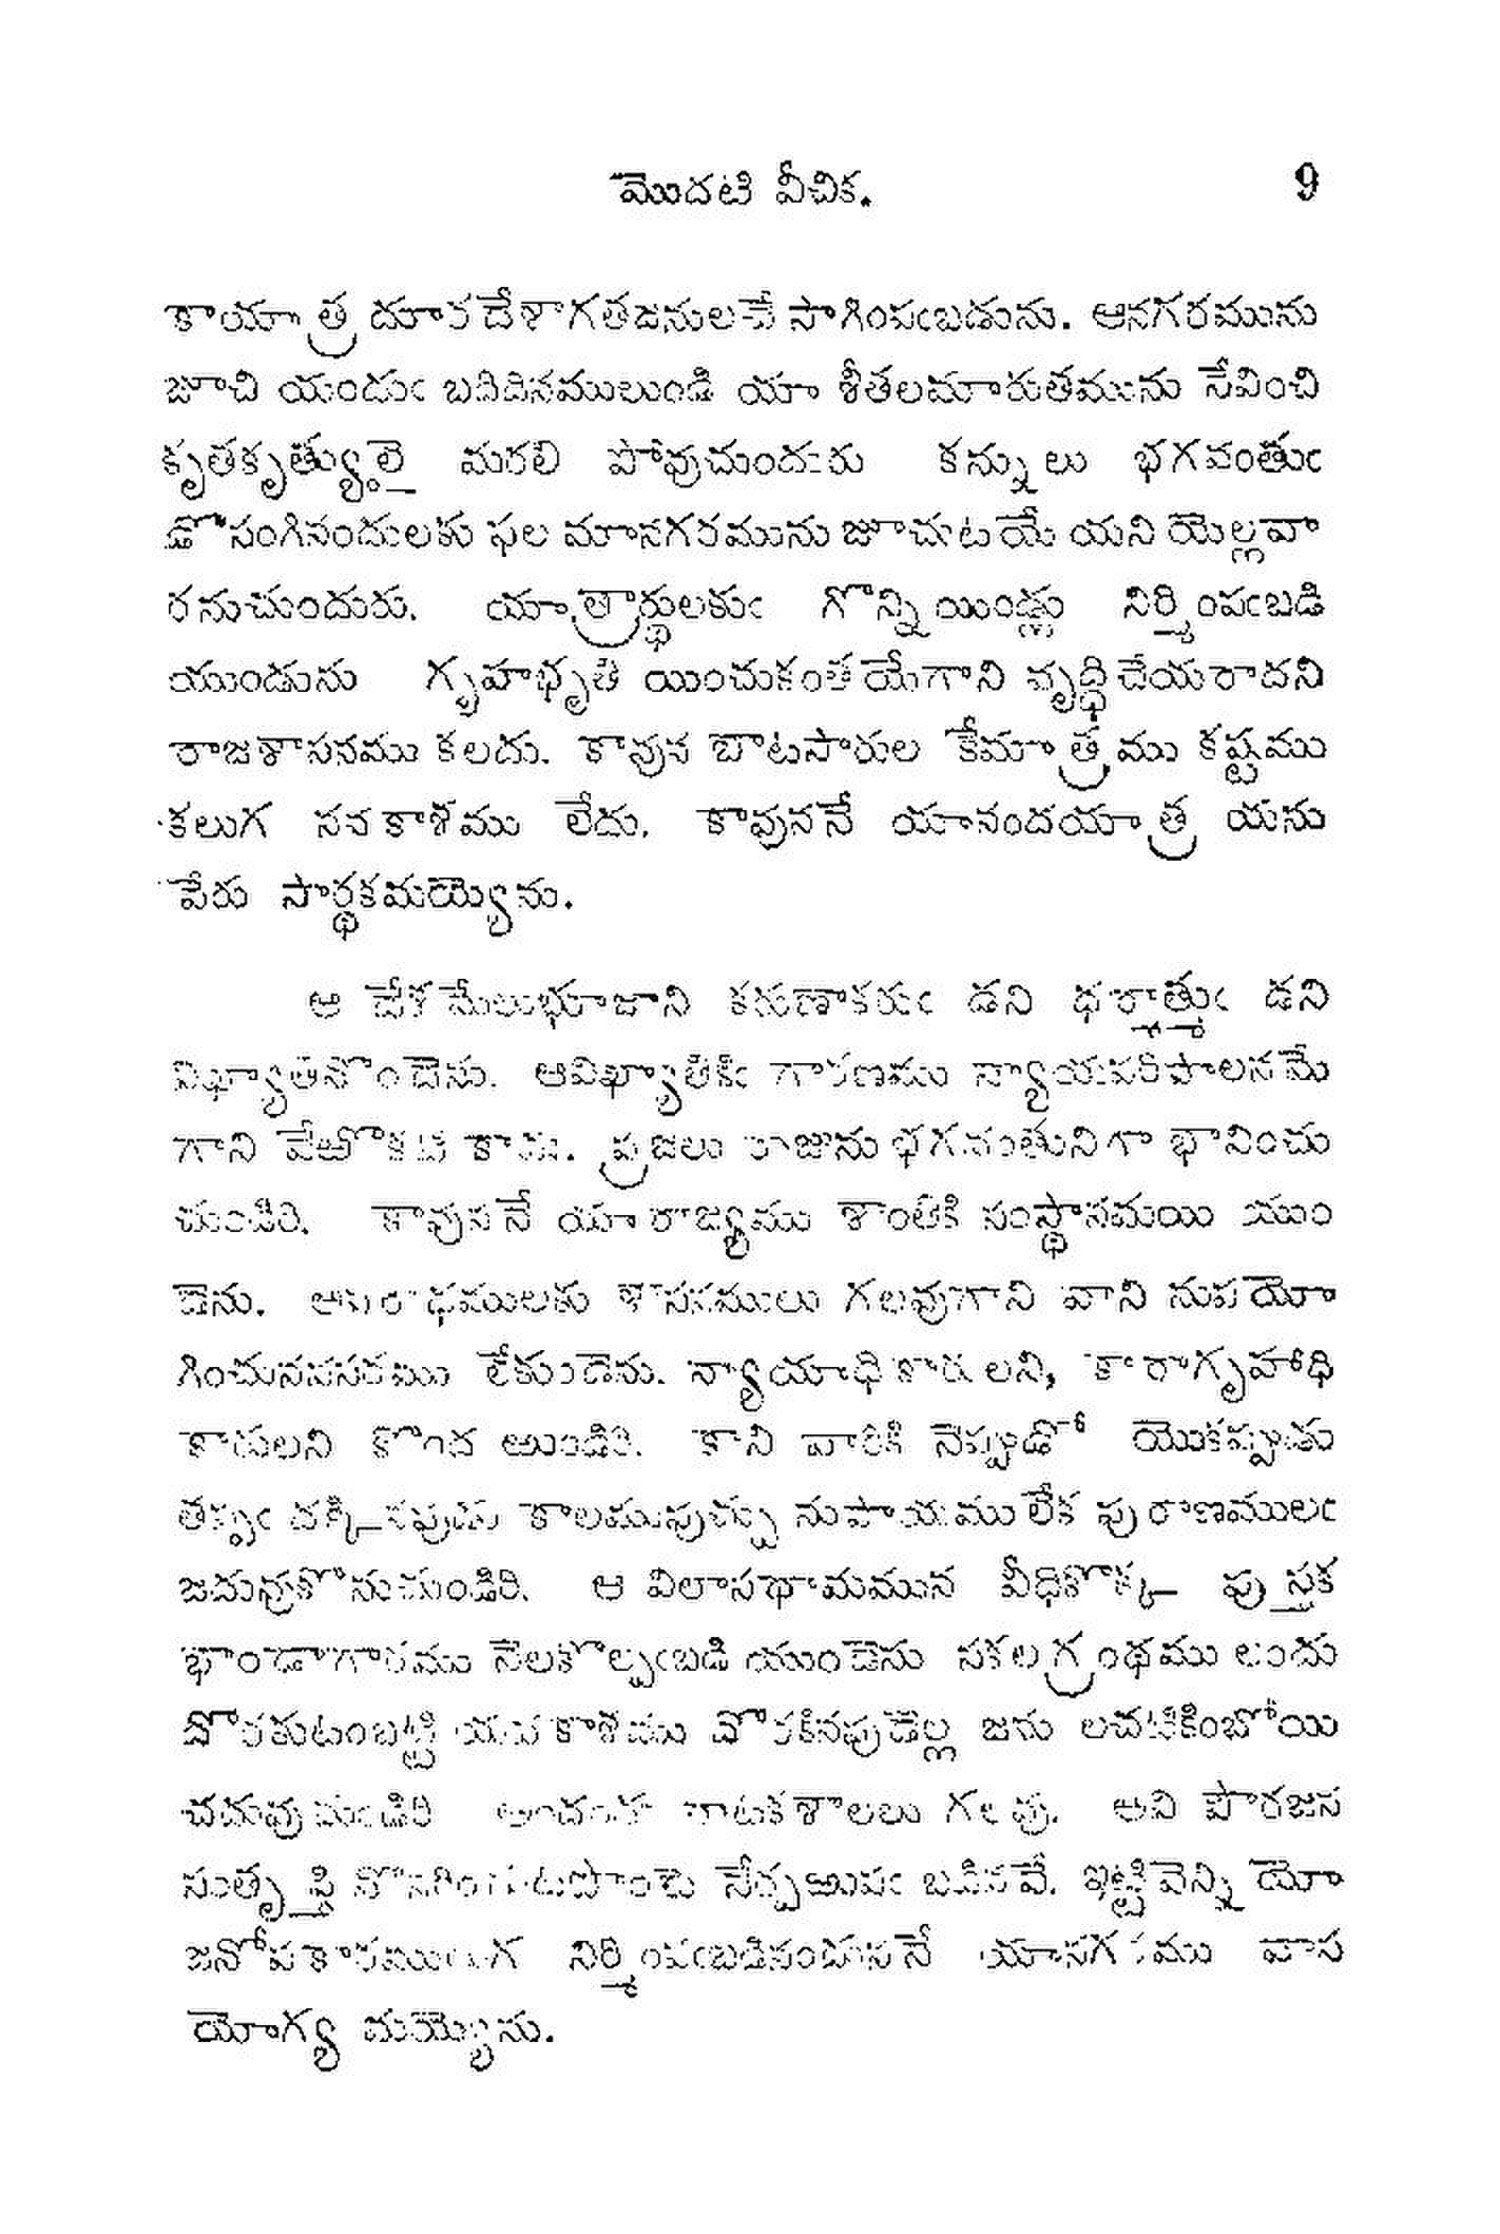కాయాత్ర దూరదేశాగతజనులచే సాగింపఁబడును. ఆనగరమును జూచి యందుఁ బనది దినములుండి యా శీతలమారుతమును సేవించి కృతకృత్యులై మరలి పోవుచుందురు. కన్నులు భగవంతుఁడొసంగినందులకు ఫల మానగరమును జూచుటయే యని యెల్లవారనుచుందురు. యాత్రార్థులకుఁ గొన్నియిండ్లు నిర్మింపఁబడి యుండును. గృహభృతి యించుకంతయేగాని వృద్ధి చేయరాదని రాజశాసనము కలదు. కావున బాటసారుల కేమాత్రము కష్టము కలుగ నవకాశము లేదు. కావుననే యానందయాత్ర యను పేరు సార్థకమయ్యెను.

ఆ దేశమేలు భూజాని కరుణాకరుఁ డని ధరాత్ముఁ డని విఖ్యాతినొందెను. ఆవిఖ్యాతికిఁ గారణము న్యాయ పరిపాలనమే గాని వేఱొకటి కాదు. ప్రజలు రాజును భగవంతునిగా భావించు చుండిరి. కావున నే యారాజ్యము శాంతకి సంస్థాసమయి యుండెను. అపరాధములకు శాసనములు గలవుగాని వాని నుపయోగించునవసరము లేకుండెను.న్యాయాధికారులనీ, కారాగృహాధికారు లని కొందఱుండిరి . కాని వారికి నెప్పుడో యొకప్పుడు తప్ప దక్కినపుడు కాలము పుచ్చునుపానము లేక పురాణములం జదువుకొనుచుండిరి. ఆ విలాసథామమున వీధికొక్క పుస్తక భాండాగారము నెలకొల్పఁబడి యుండెను సకలగ్రంథము లందు దొరకుటంబట్టి యవకాశము దొరకినపుడెల్ల జనులచటికింబోయి చదువుచుండిరి. అందందు నాటకశాలలు గలవు. అవి పౌరజన సంతృప్తి నొనరించుటపొందనే ఱ్పరుపబడినవే ఇట్టి వెన్నియో జనోపకారములుగ నిర్మింపఁబడినందునే యా నగరము వాసయోగ్య మయ్యెను.